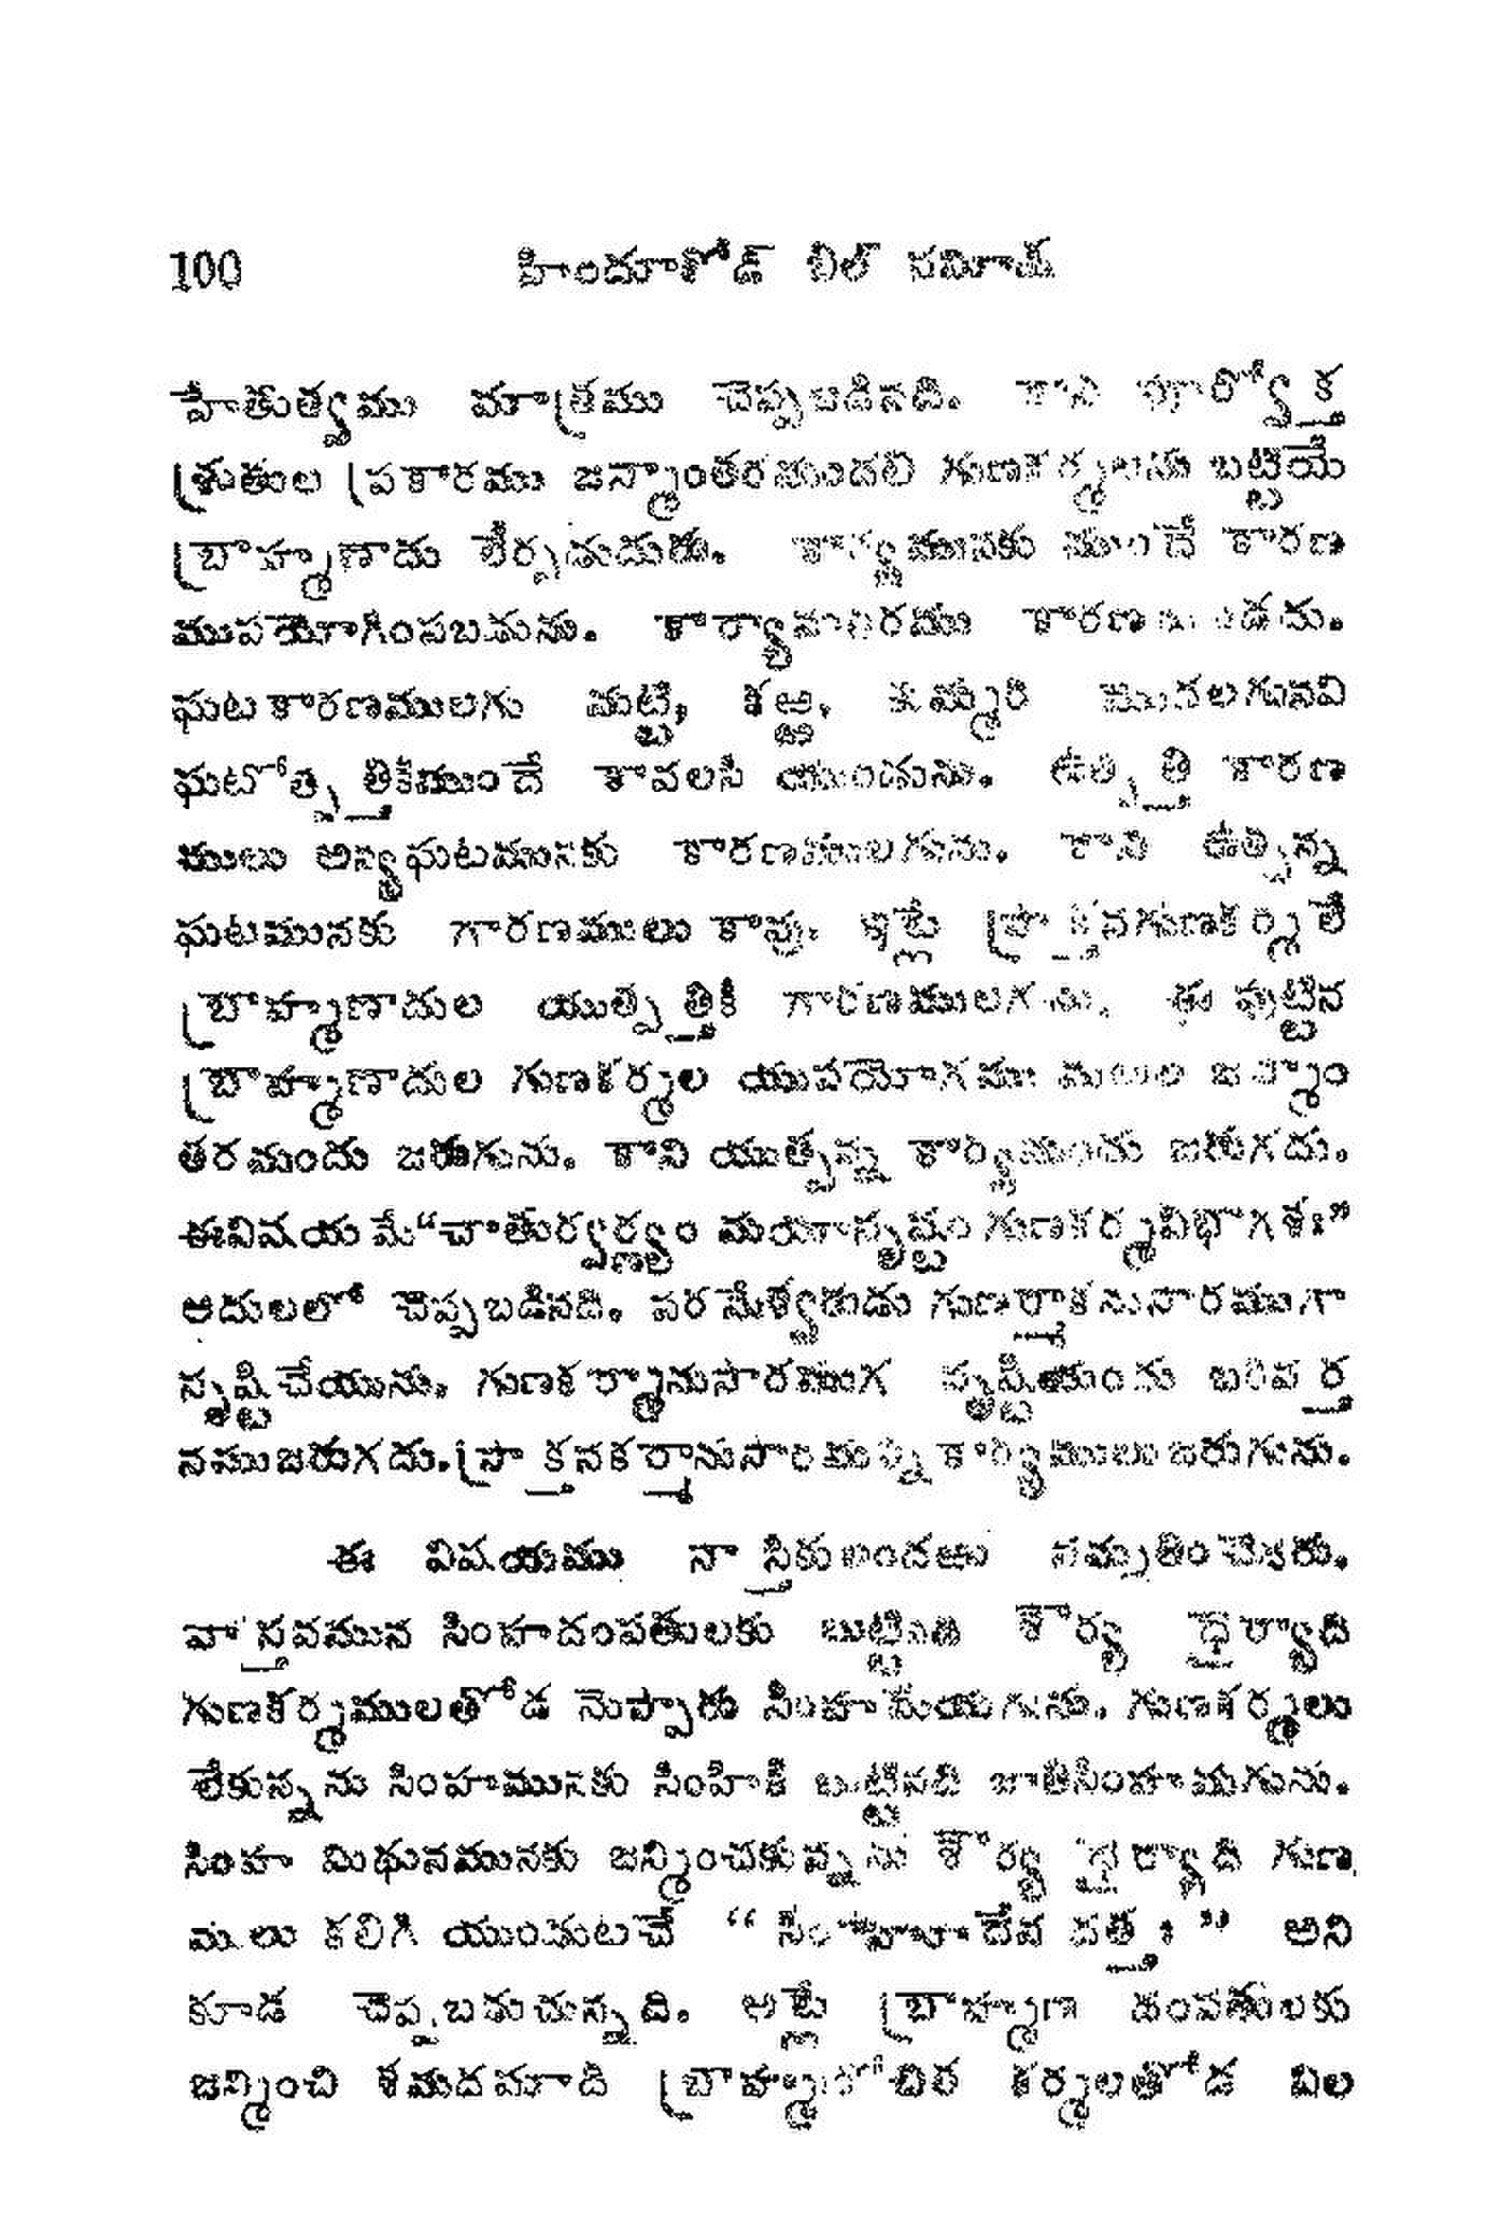హేతుత్వము మాత్రము చెప్పబడినది. కాని పూర్వోక్త
శ్రుతుల ప్రకారము జన్మాంతరమందలి గుణకర్మలను బట్టియే
బ్రాహ్మణాదు లేర్పడుదురు. కార్యమునకు ముందే కారణ
ముపయోగింపబడును. కార్యానంతరము కారణముండదు.
ఘట కారణములగు మట్టి, కఱ్ఱ, కుమ్మరి మొదలగునవి
ఘటోత్పత్తికిముందే కావలసి యుండును. ఉత్పత్తి కారణములు 
అన్య ఘటమునకు కారణములగును. కాని ఉత్పన్న
ఘటమునకు గారణములు కావు. ఇట్లే ప్రాక్తన గుణకర్మలే
బ్రాహ్మణాదుల యుత్పత్తికి కారణములగును. ఈ పుట్టిన
బ్రాహ్మణాదుల గుణకర్మల యుపయోగము మఱల జన్మాంతర
మందు జరుగును. కాని యుత్పన్న కార్యమందు జరుగదు.
ఈవిషయమే "చాతుర్వర్ణ్యం మయాసృష్టం గుణకర్మవిభాగశః"
ఆదులలో చెప్పబడినది. పరమేశ్వరుడు గుణకర్మానుసారముగా
సృష్టి చేయును. గుణకర్మానుసారముగ సృష్టియందు బరివర్త
నముజరుగదు. ప్రాక్తనకర్మానుసారమన్ని కార్యములు జరుగును.

ఈ విషయము నాస్తికులందఱు సమ్మతించెదరు.
వాస్తవమున సింహదంపతులకు బుట్టింది శౌర్య ధైర్యాది
గుణకర్మములతోడ నెప్పారు సింహముయగును. గుణకర్మలు
లేకున్నను సింహమునకు సింహికి బట్టినది జాతిసింహమగును.
సింహ మిథునమునకు జన్మించుకున్నను శౌర్య ఆర్యాది గుణ
మలు కలిగి యుండుటచే "సింహోదేవ దత్తః అని 
కూడ చెప్పబడుచున్నది. అట్లే బ్రాహ్మణ దంపతులకు
జన్మించి శమదమాది బ్రాహ్మణోచిత కర్మలతోడ విల